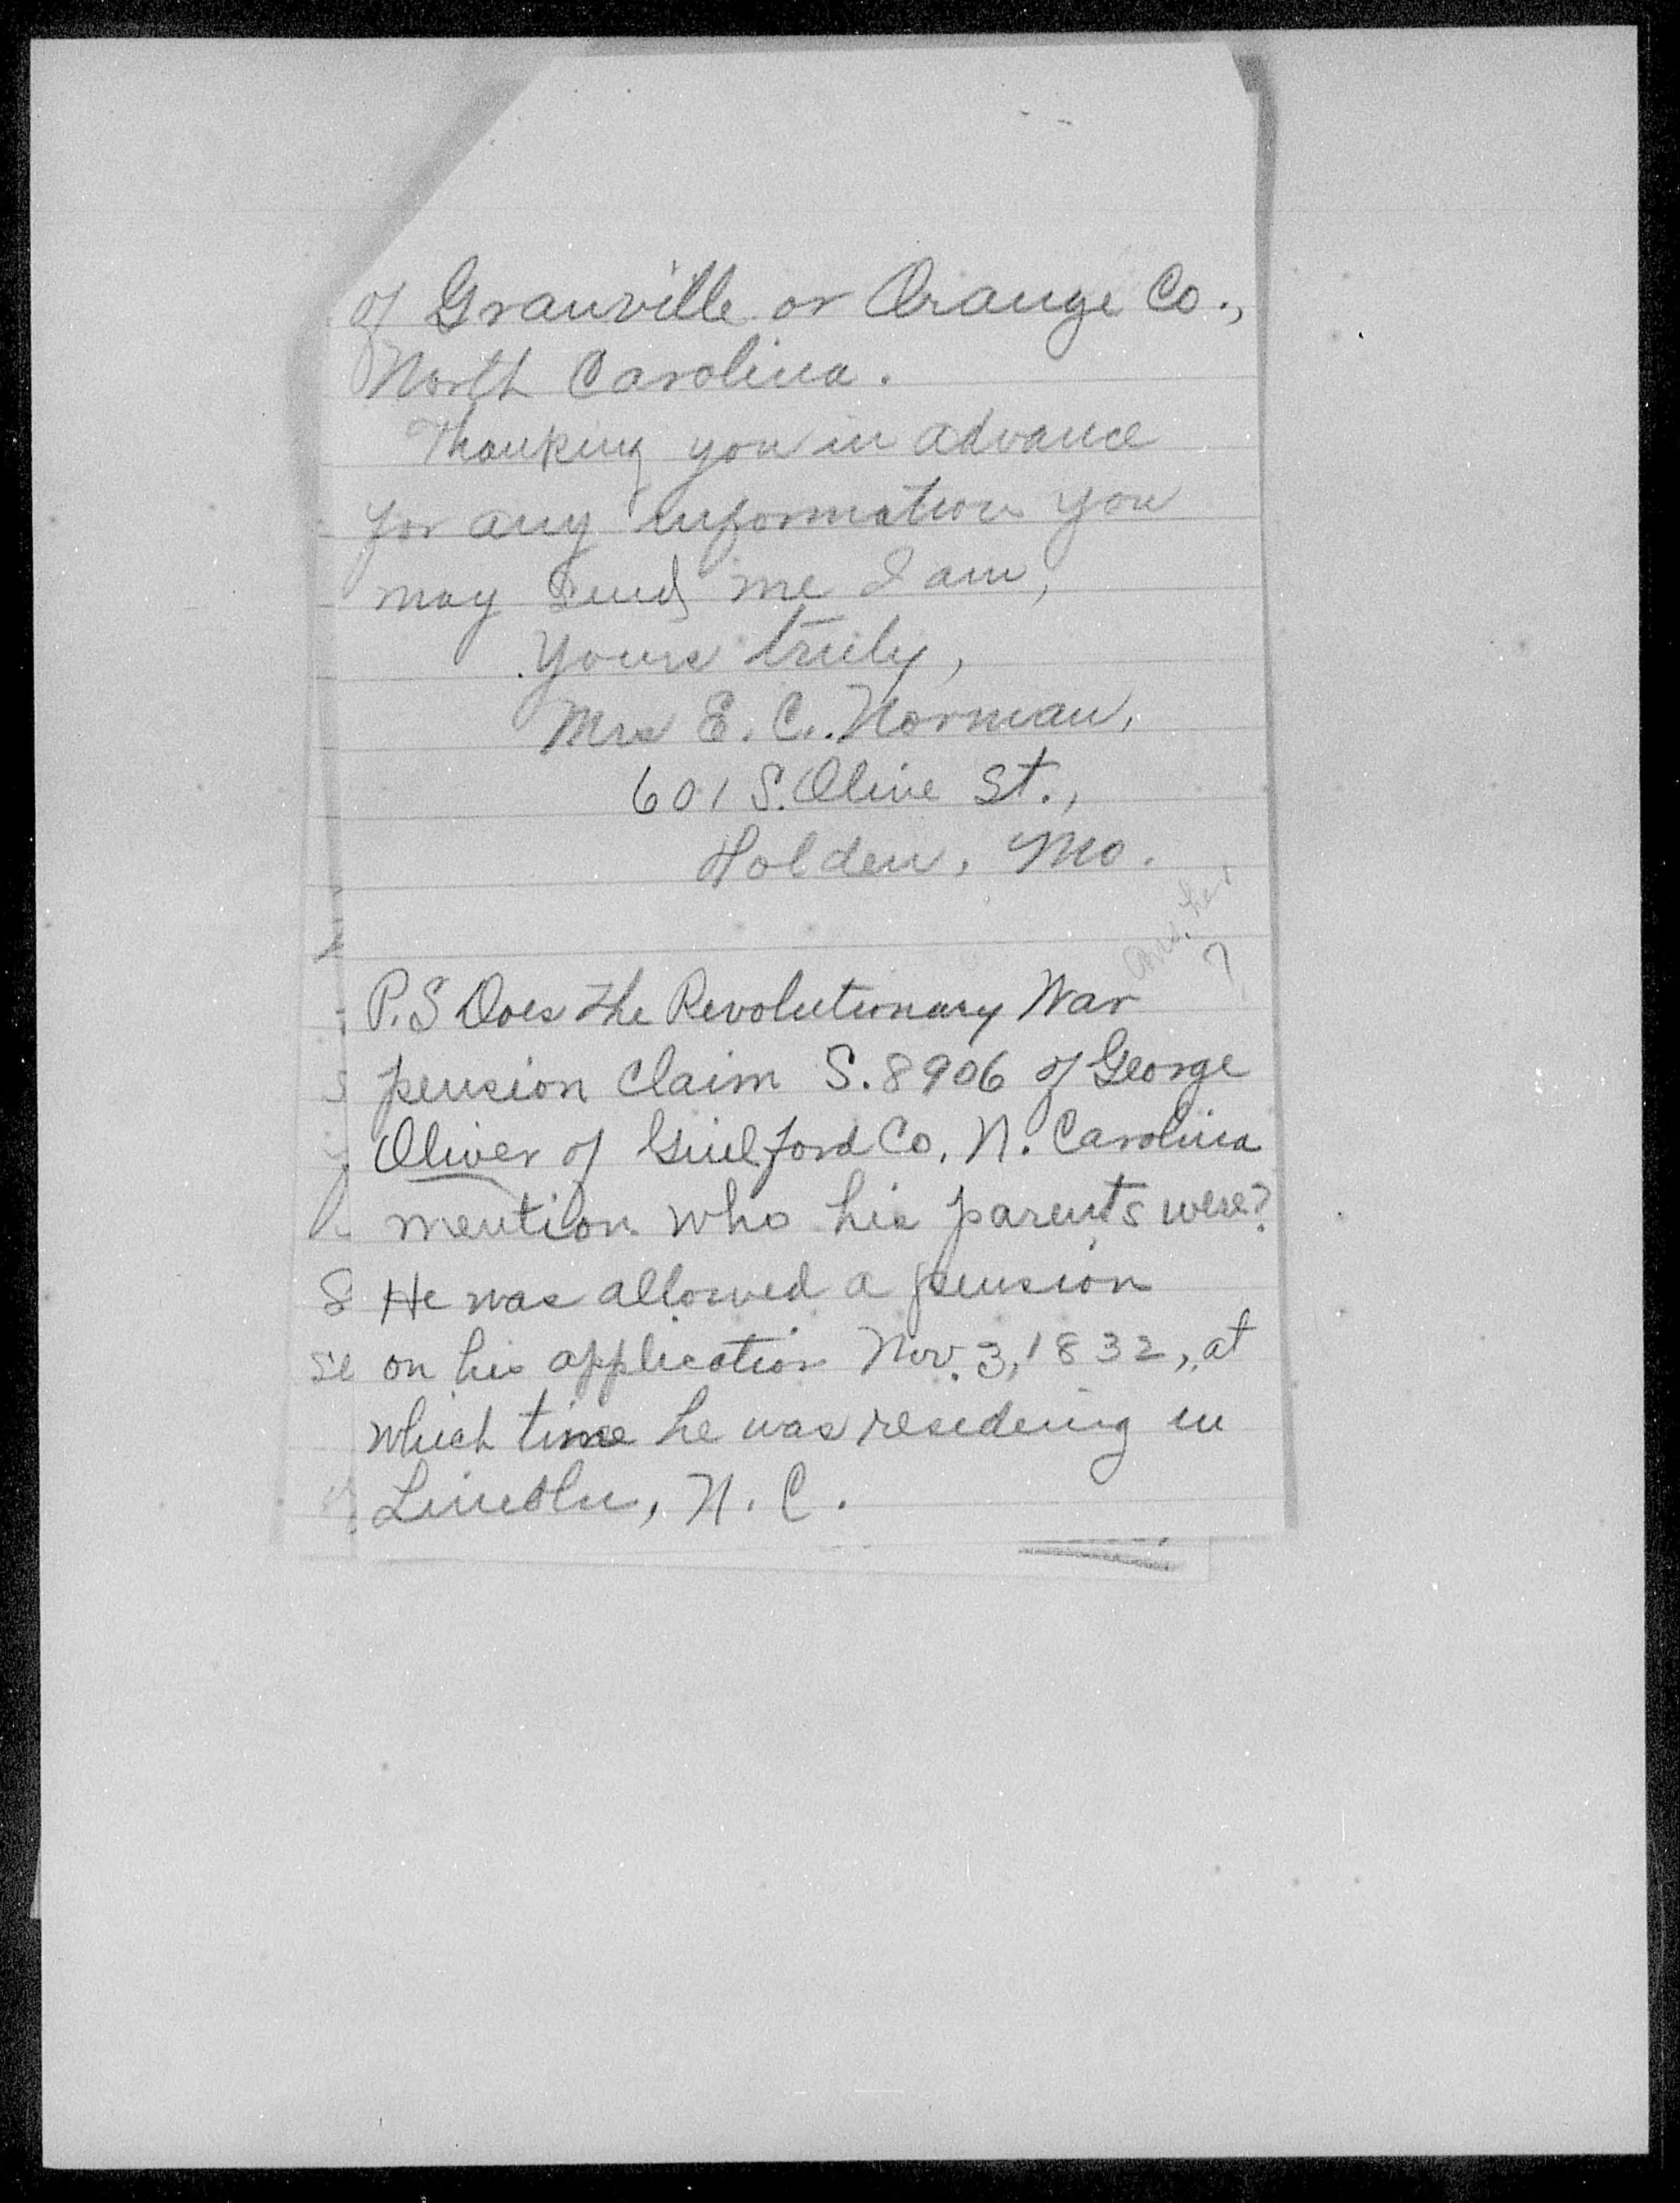of Granville or Orange Co., North Carolina.
     Thanking you in advance for any information you may send me I am,
                  Yours truly
                  Mrs. E.C. Norman
                  601 S. Olive St.
                  Holden, Mo.

P.S. Does the Revolutionary War pension claim S.8906 of George Oliver of Guilford Co., N. Carolina mention who his parents were?  he was allowed a pension on his application Nov. 3, 1832, at which time he was residing in Lincoln, N.C.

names: E C Norman; George Oliver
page: 24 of 32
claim: survivor's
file: S. 31888, for John Oliver, North Carolina